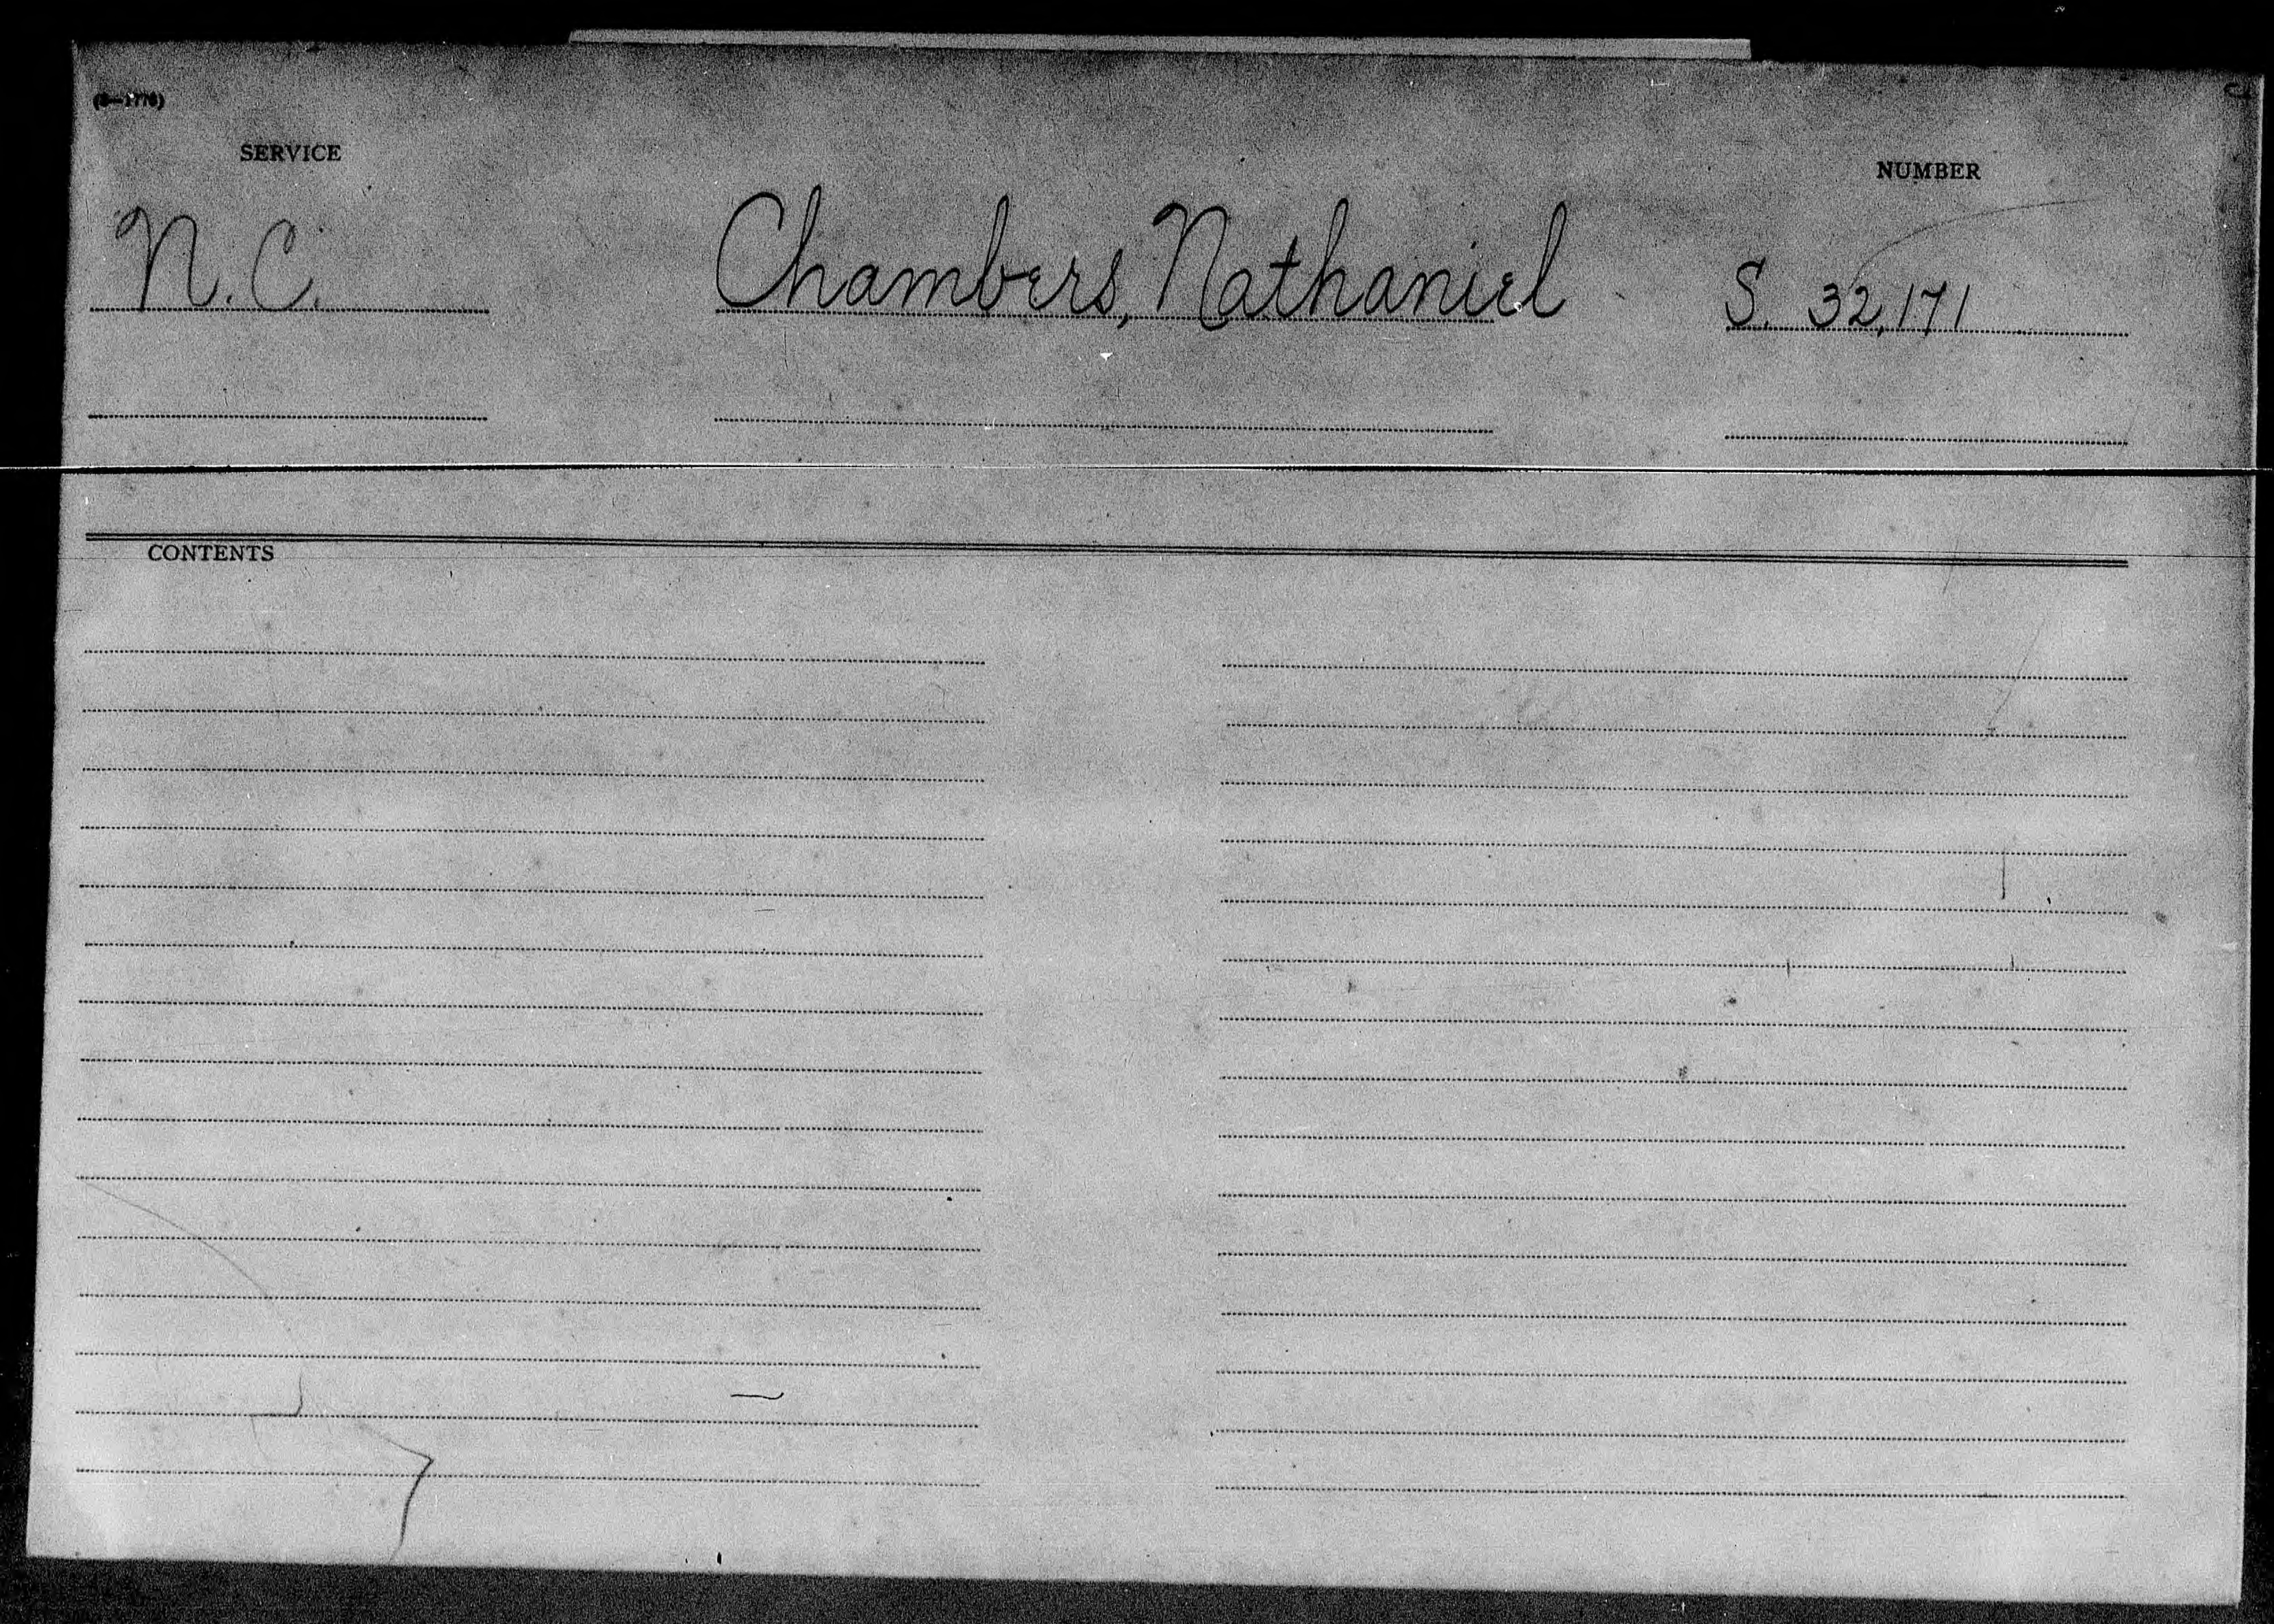Service
N.C.

Chambers, Nathaniel

Number
S. 32171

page: 1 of 13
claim: survivor's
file: S. 32,171, Nathaniel Chambers, N.C.